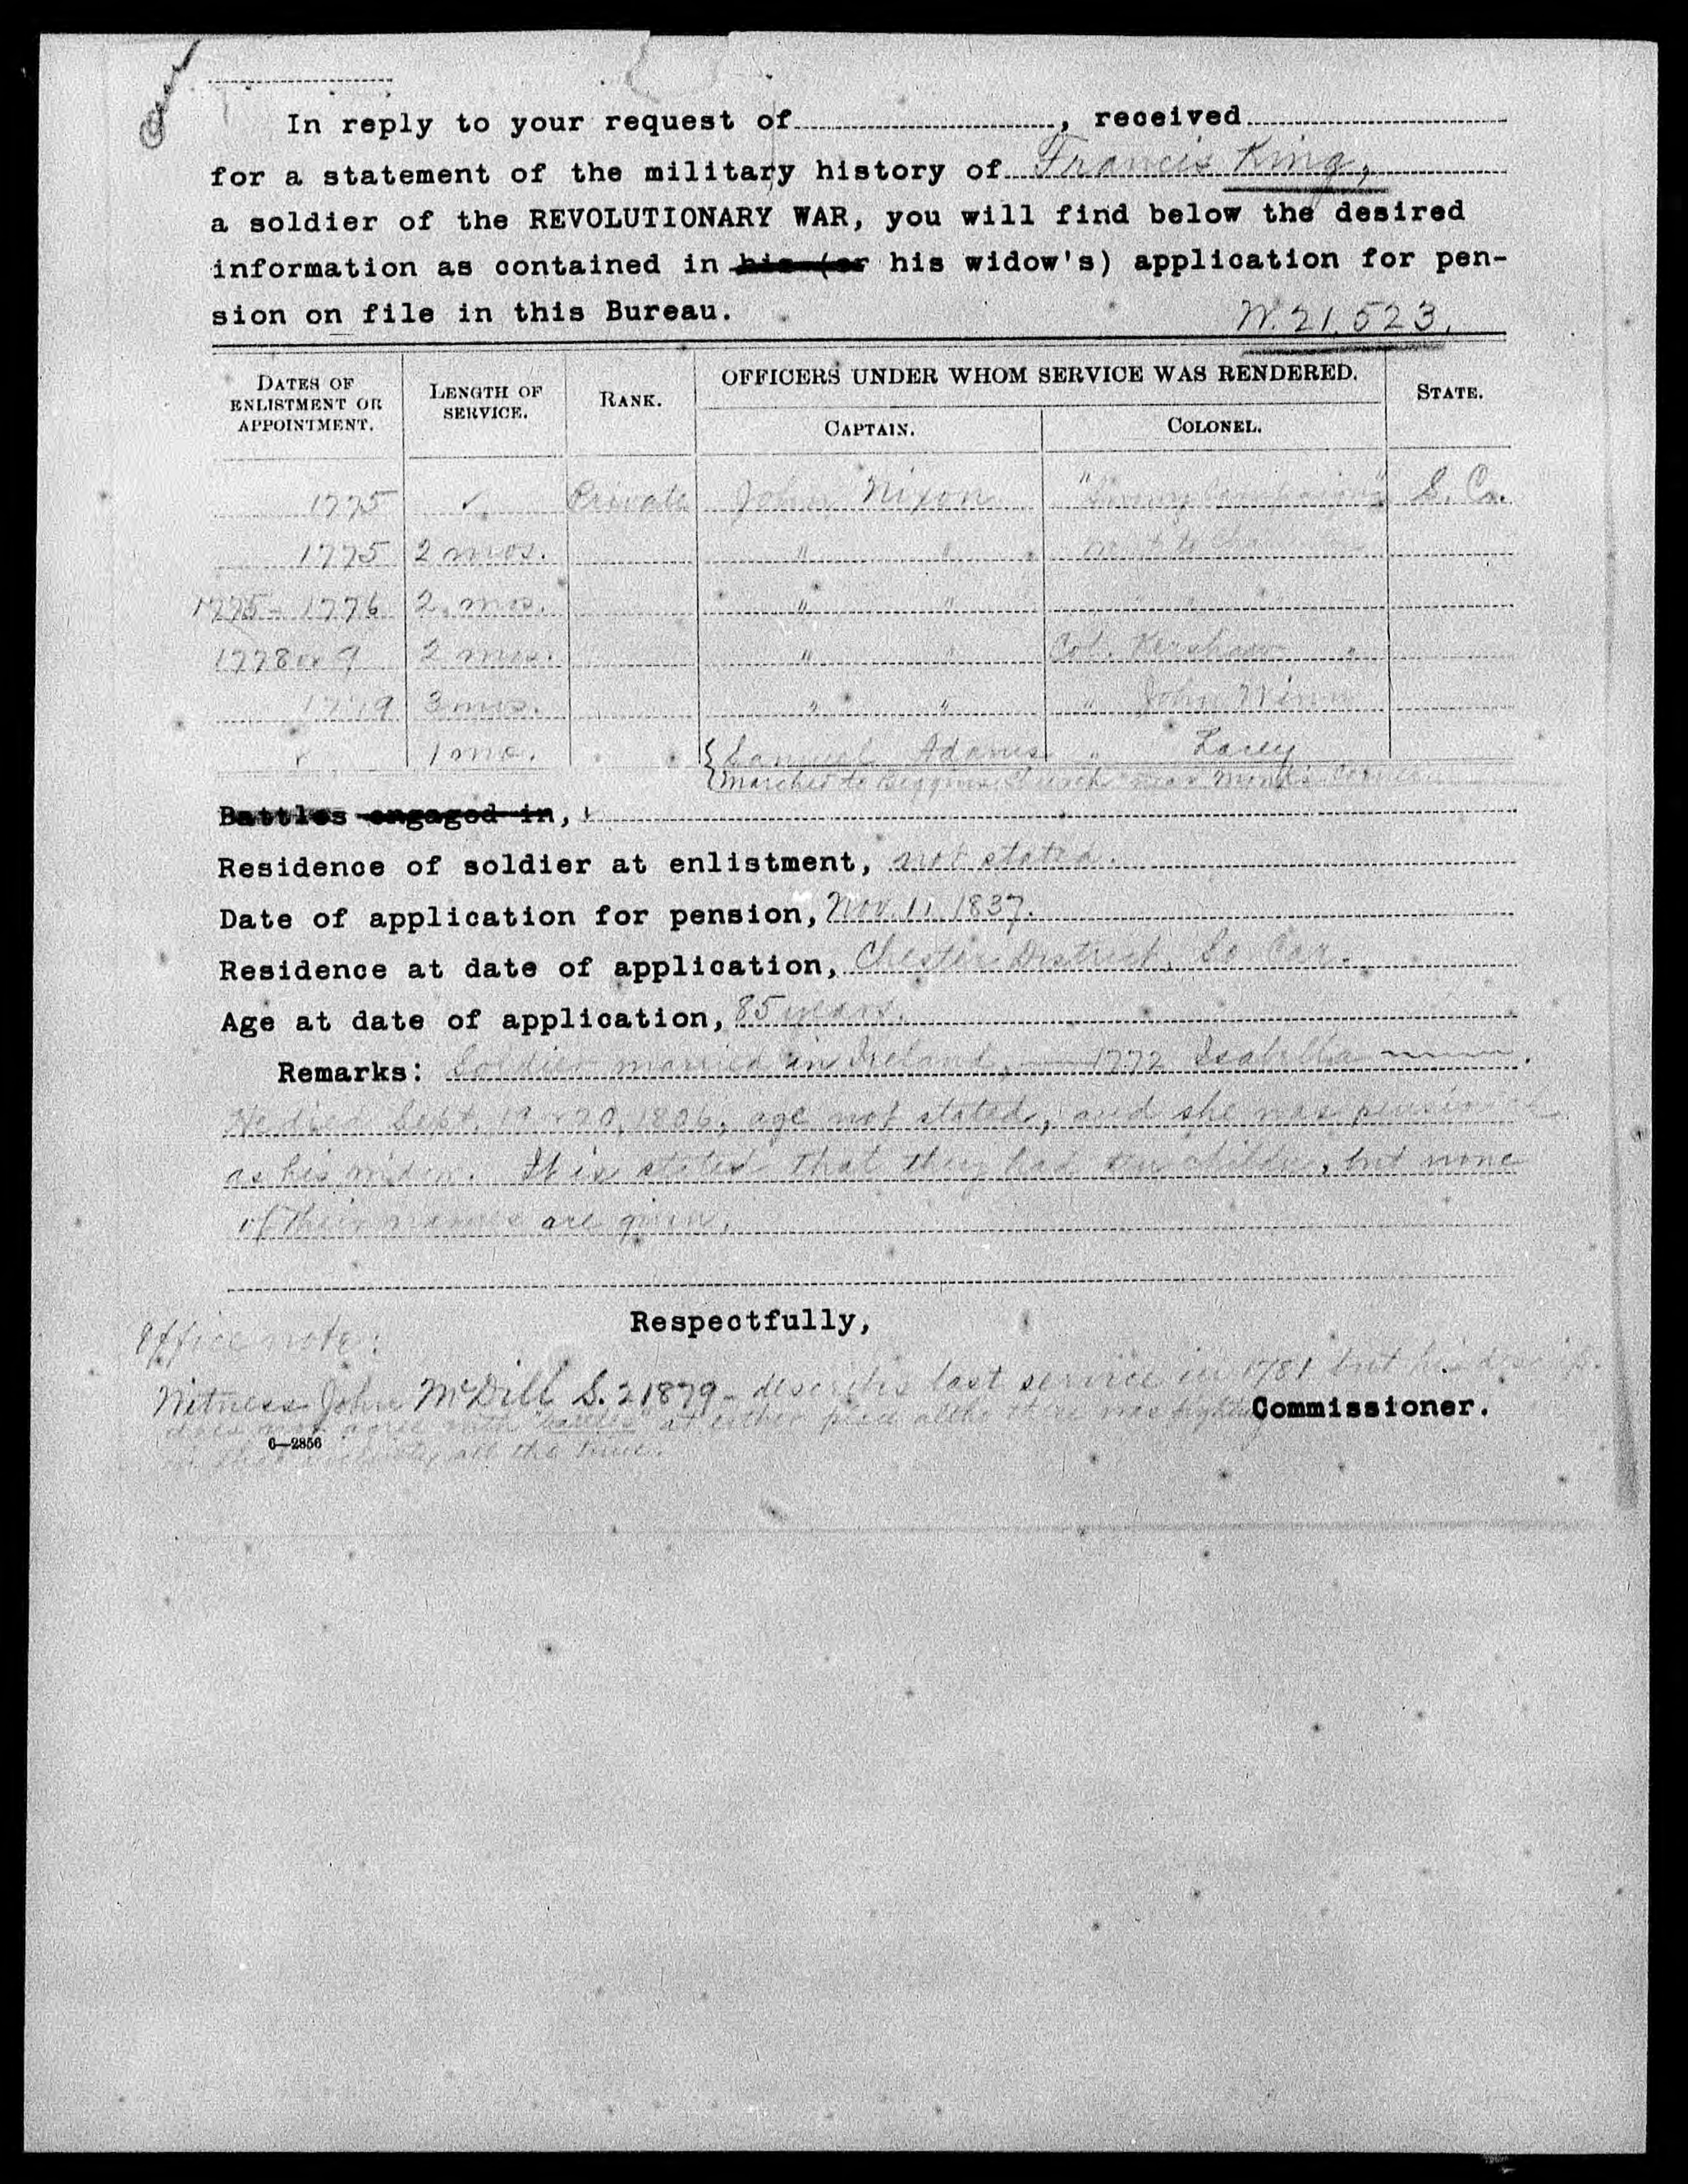In reply to your request of ___, received ___ 
for a statement of the military history of Francis King, 
a soldier of the REVOLUTIONARY WAR, you will find below the desired 
information as contained in [struck out: his (] his widow's) application for pen
sion on file in this Bureau.  W. 21,523
===========================================================
DATES OF | OFFICERS UNDER WHOM SERVICE WAS RENDERED. |
ENLISTMENT OR | LENGTH OF |_____________________________ |
APPOINTMENT. | SERVICE. | RANK. | CAPTAIN. | COLONEL. | STATE. 
________________ | ___________ | ____ | ______________________ _______
1775 | ✓ | Private | John Nixon | "[illegible] Campaign"| S. Ca
1775 | 2 mos. | "   " | [illegible] to Charleston] |
1775 - 1776 | 2 mos. | "  " | " " " |
1778 or 9 | 2 mos. | "  " | Col. Kershaw |
1779 | 3 mos. | "  " | " John Winn |
1780 | 1 mos. |{ Samuel Adams | " Lacey
{marched to Bighorn Church near Monks Corner}

[struck out: Battles engaged in,] ✓

Residence of solder at enlistment, not stated.

Date of application for pension, Nov. 11, 1837.

Residence at date of application, Chester District, So. Car.

Age at date of application, 85 years.

Remarks: Soldier married in Ireland, ___ 1771 Isabella ---.
He died Sept. 19 or 20, 1806, age not stated, and she was pensioned 
as his widow.  It is stated that they had ten children, but none 
of their names are given.
Office note:
Witness John McDill S. 21879 - describes his last service in 1781 but his descrip. 
does not agree with "battles" at either place altho there was fighting 
in that vicinity all the time.
Respectfully, 

Commissioner.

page: 7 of 10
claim: widow's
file: W. 21523, for Francis King, South Carolina